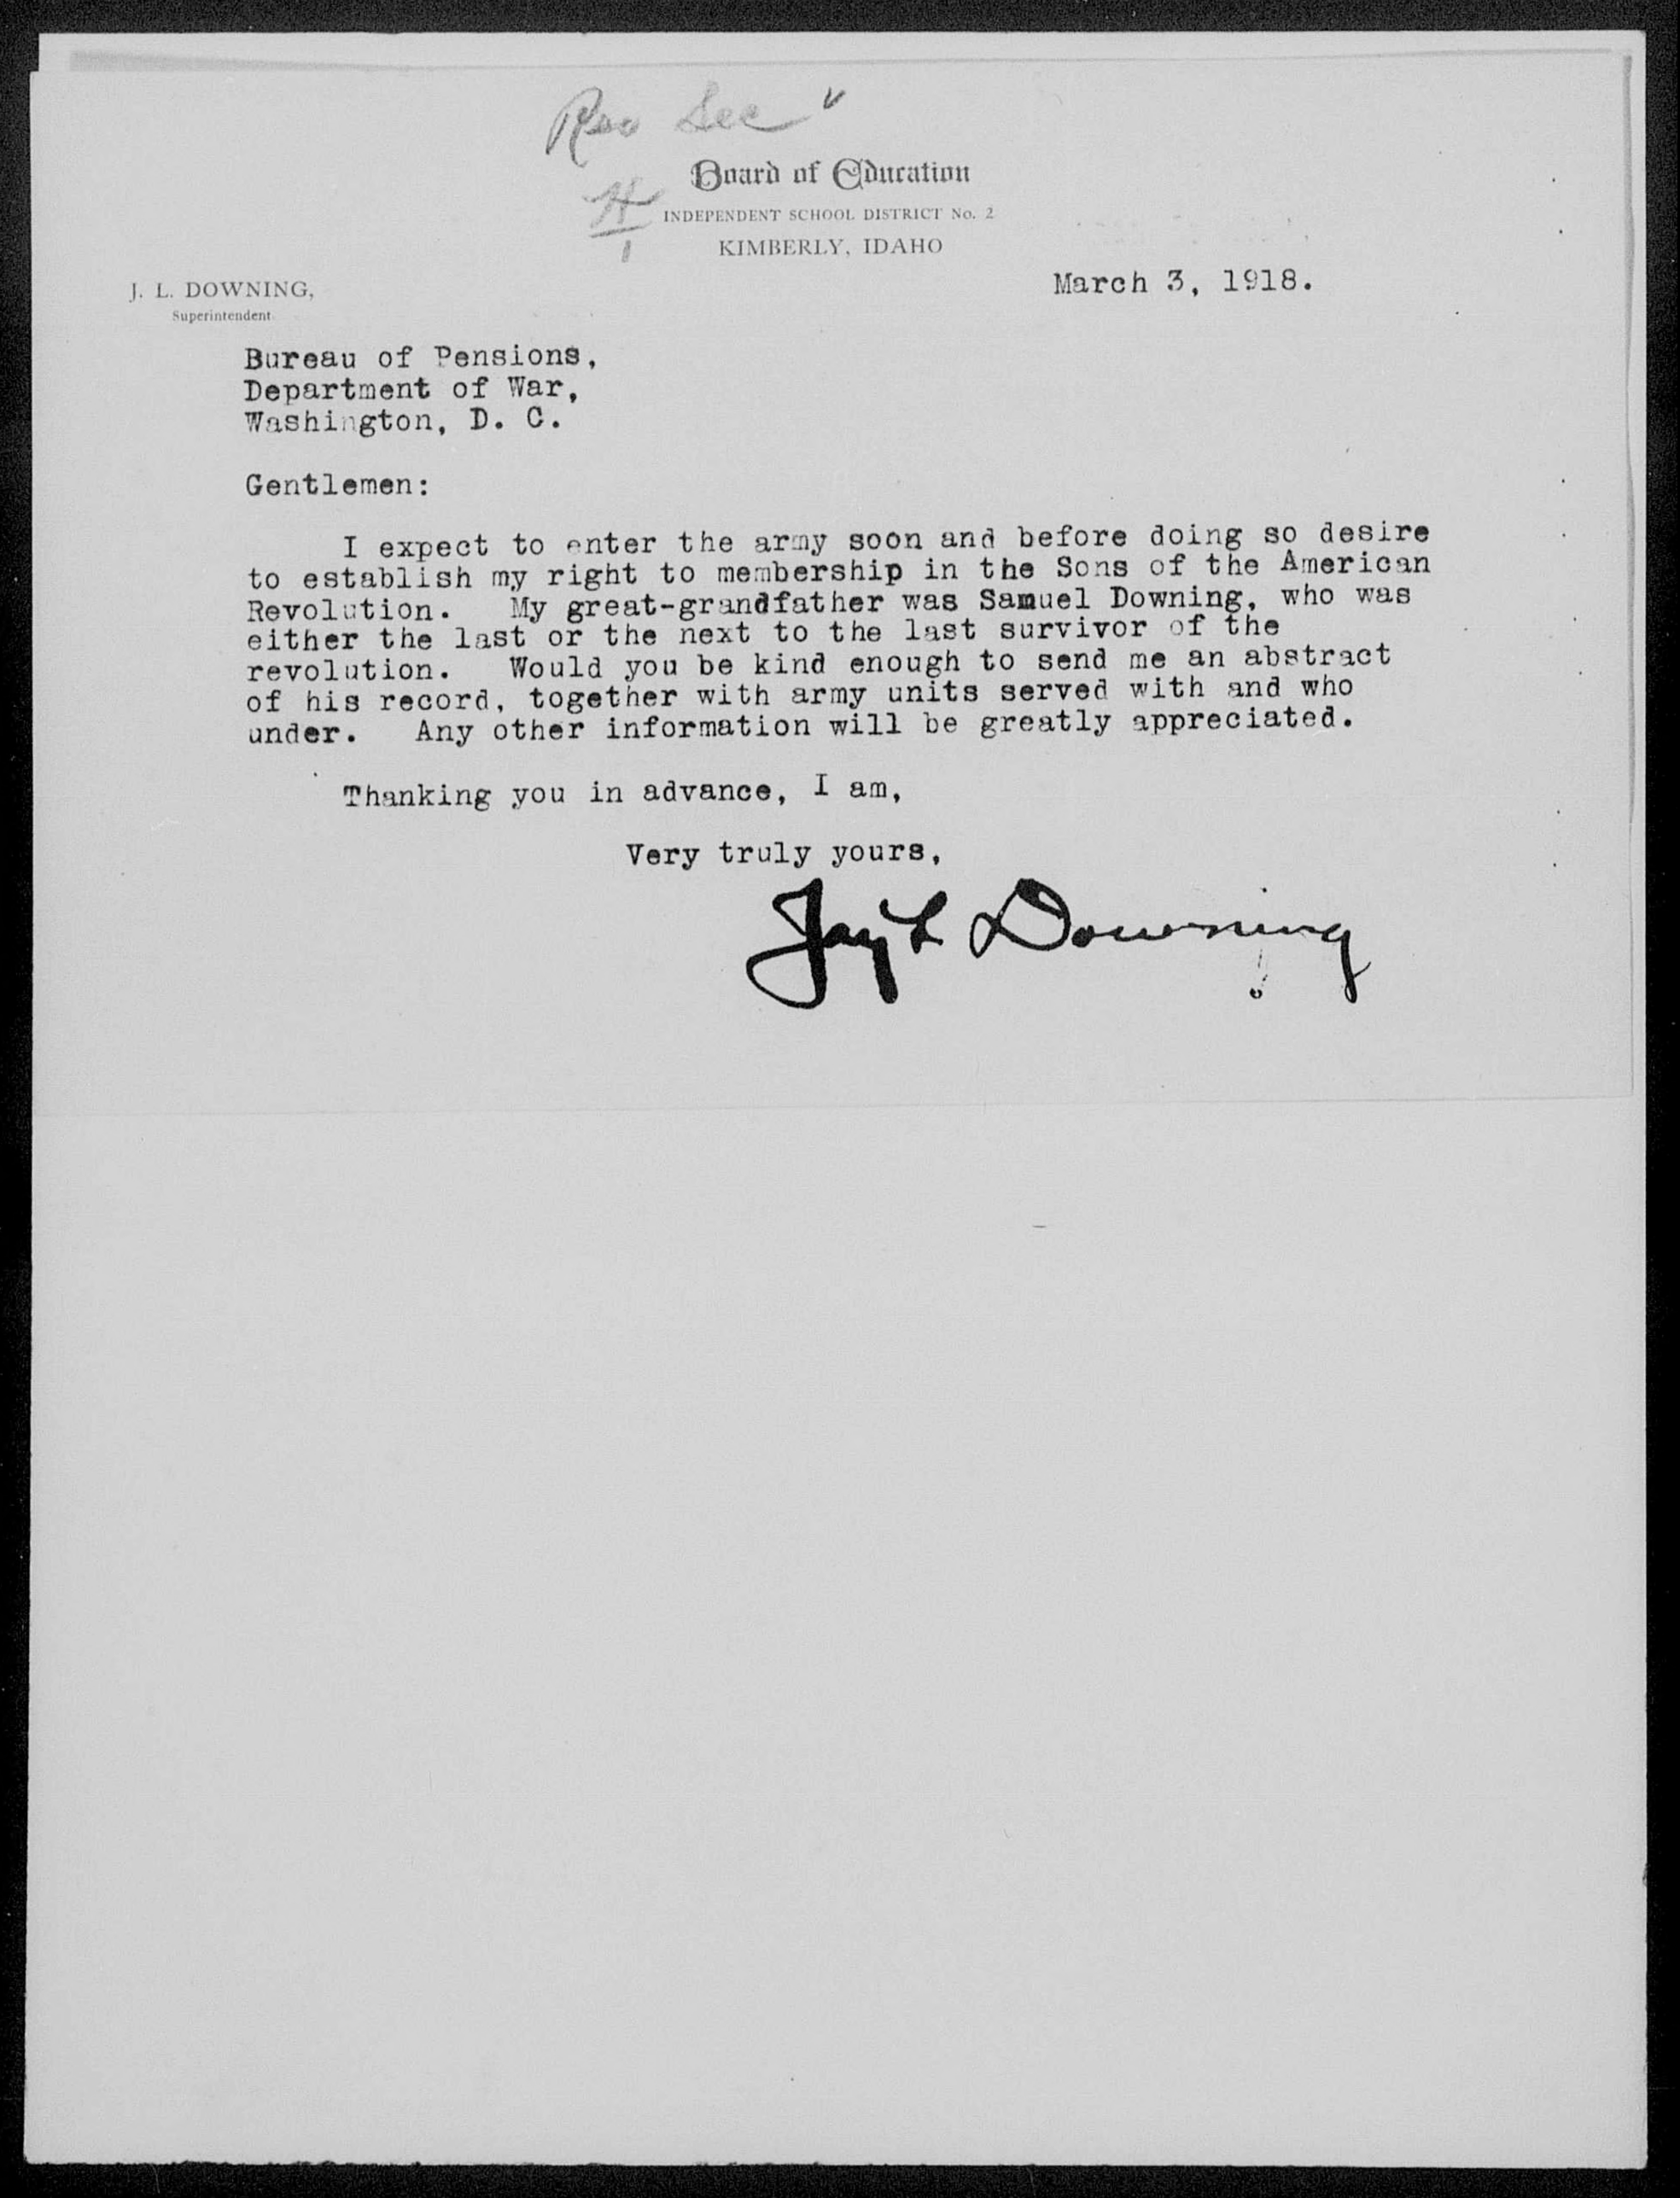Rev Sec
Board of Education
INDEPENDENT SHCOOL DISTRICT No. 2
KIMBERLY, OHIO
J.L. DOWNING Superintendent   March 3, 1918
Bureau ofPensions,
Department of War,
Washington, D. C.
Gentlemen:
I expect to enter the army soon and before doing so desire to establish my right to membership in the Sons of the American Revolution. My great-grandfather was Samuel Downing, who was either the last or the next to the last survivor of the Revolution. Would you be kind enough to send me an abstract of his record, together with army units served with and who under. Any other information will be greatly appreciated.
Thank you in advance, I am,
Very truly yours,
Jay L. Downing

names: Samuel Downing, J L Downing, Jay L Downing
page: 32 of 56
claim: survivor's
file: S. 40,055, Samuel Downing, N.H.